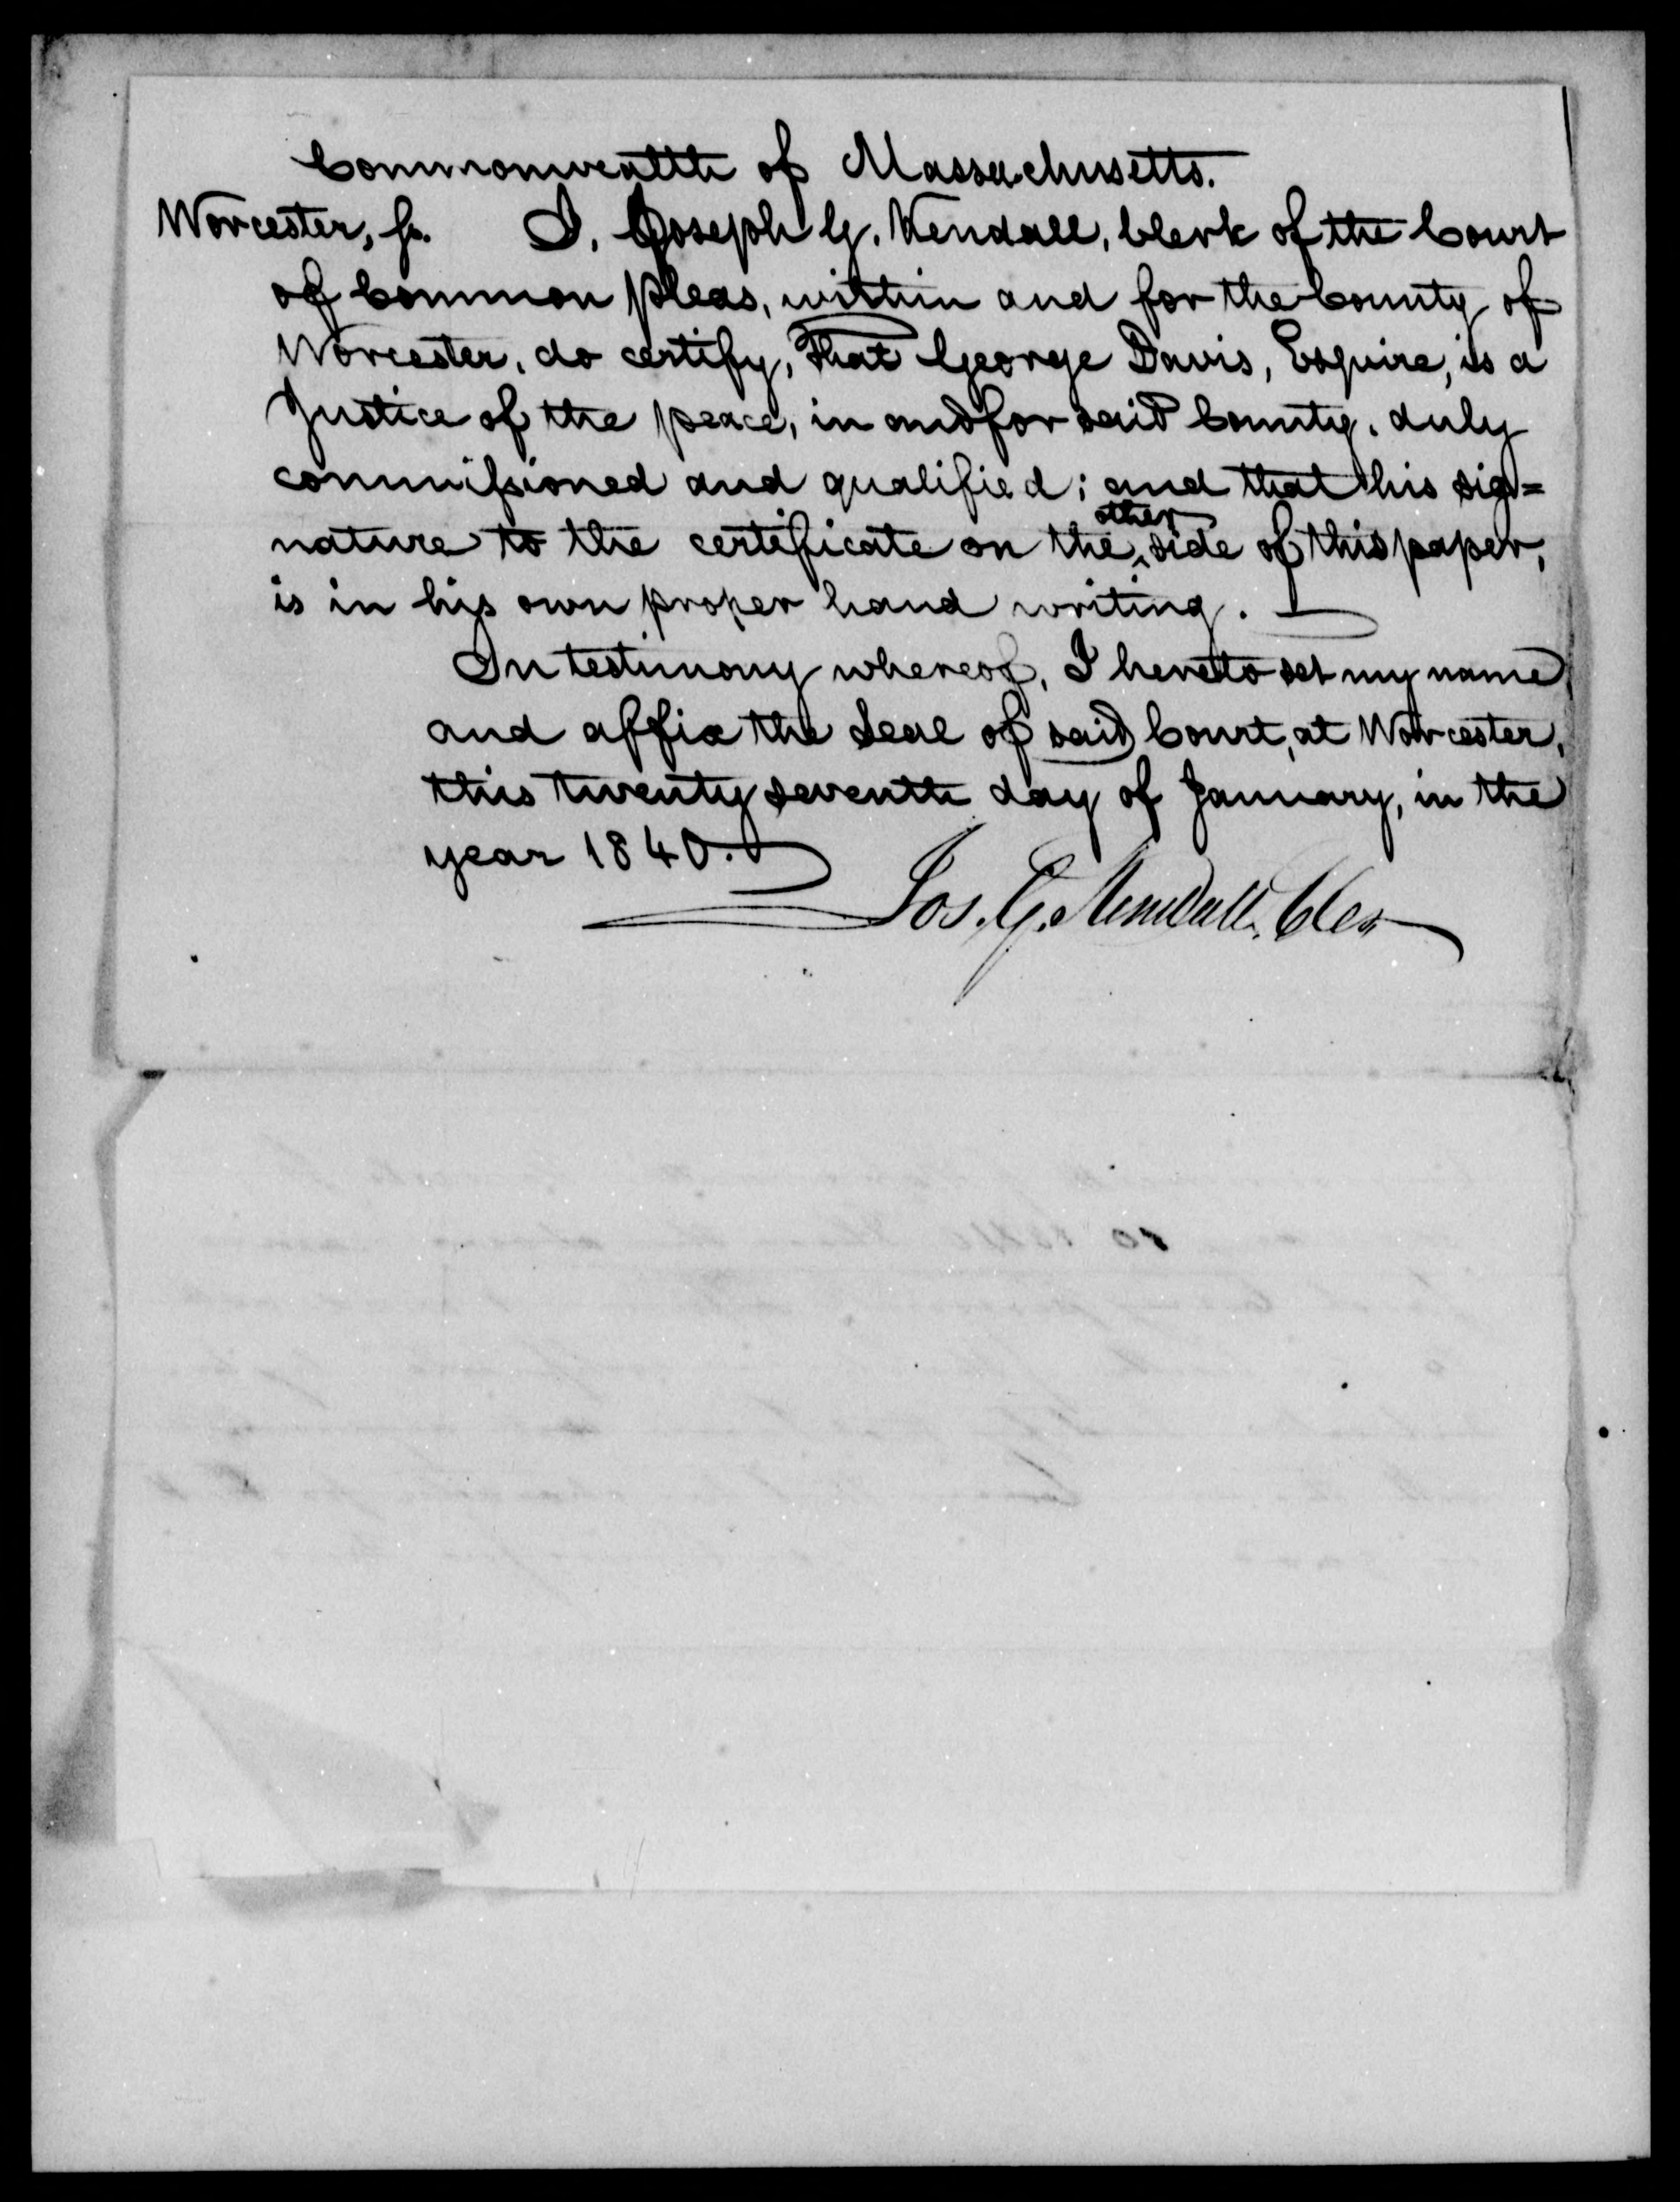Commonwealth of Massachusetts
Worcester, [?]   I, Joseph G Kendall, Clerk of the Court of Common Pleas, within and for the County of Worcester, do certify, that George Davis, Esquire, is a Justice of the Peace, in and for said County, duly commissioned and qualified; and that his signature to the certificate on the ^other side of this paper, is in his own proper hand writing.
In tesitmony whereof, I hereto set my name and affix the seal of said court, at Worcester, this twenty seventh day of January, in the year 1840.
Jos. G. Kendall, Clerk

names: George Davis, Joseph G Kendall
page: 5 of 87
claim: widow's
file: W. 25,966, Moses Weld, Mass.